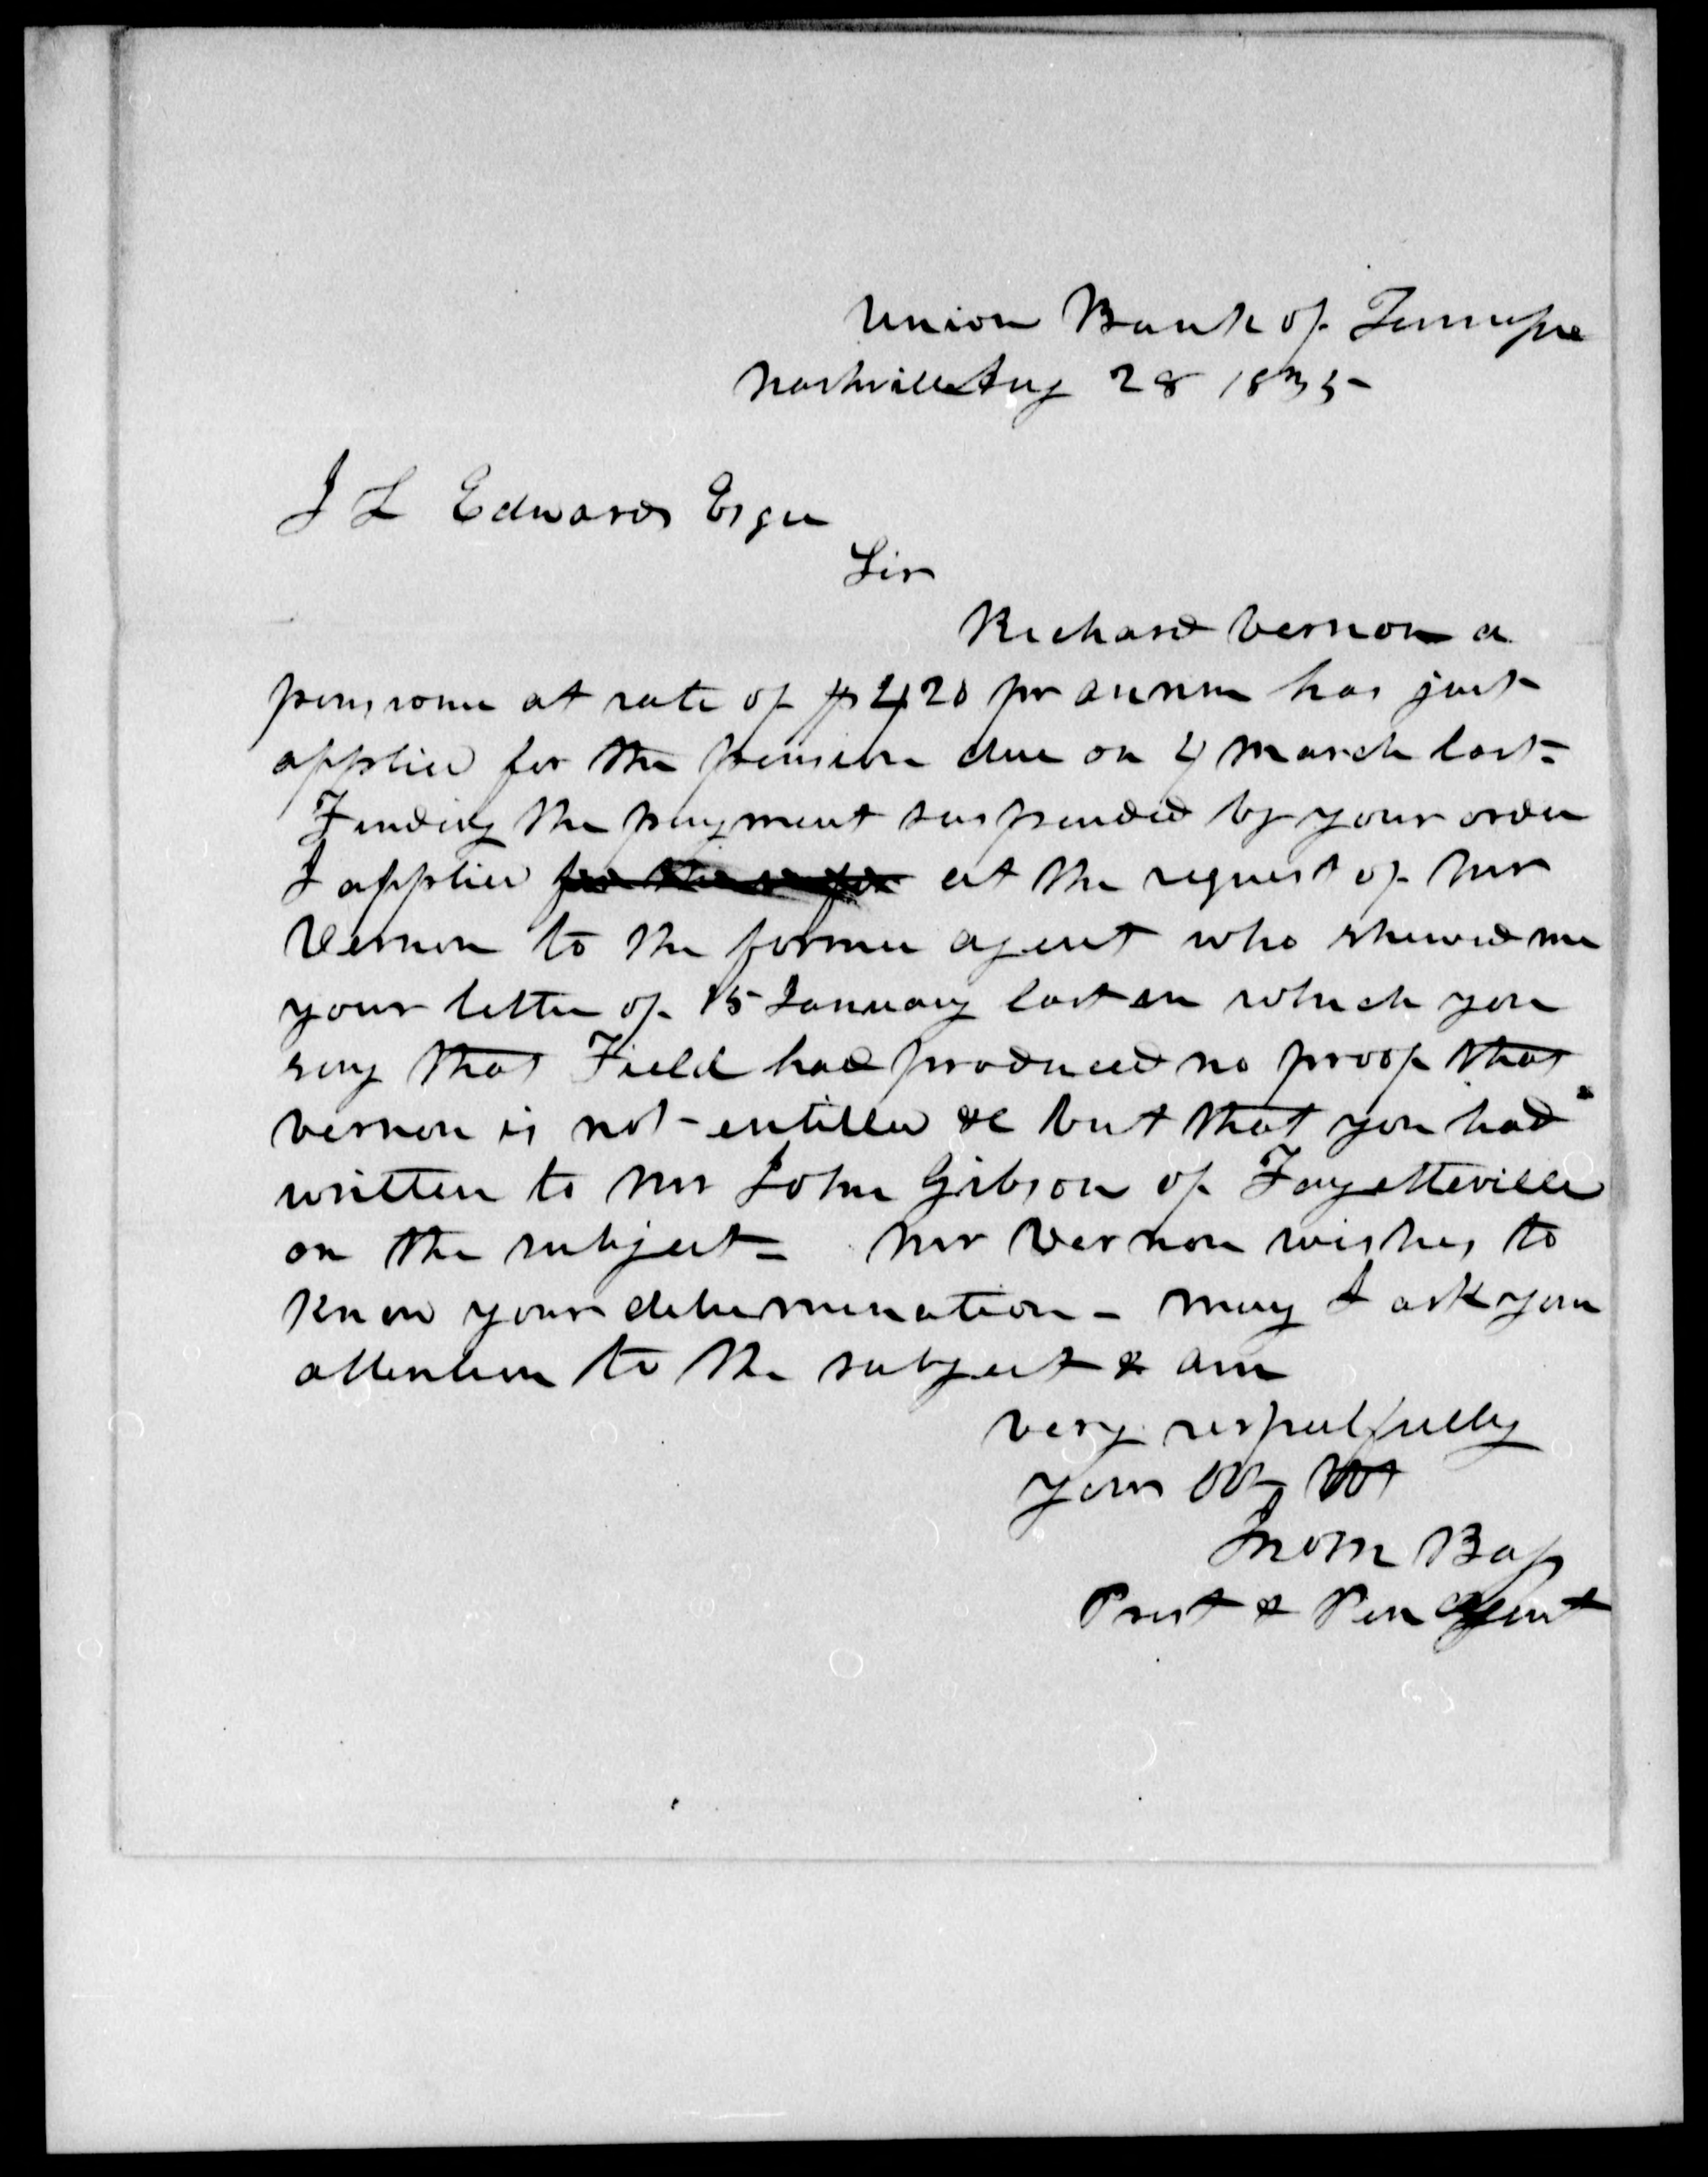Union Bank of Tennessee
Nashville Aug 28 1835

J L Edwards Esqr

Sir
Richard Vernon on pension at rate of $420 per annum has just applied for the pension due on 4 March last – Finding his payment suspended by your order I applied at the request of Mr. Vernon to the former agent who showed me your letter of 15 January last in which you say that Field had produced no proof that Vernon is not entitled etc. but that you had written to Mr. John Gibson of Fayetteville on the subject – Mr. Vernon wishes to know your determination – may I ask your attention to the subject & I am
Very respectfully
Your obt serv.
Jn Meredith Bass
Prest & Pension Agent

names: Jno M Boss, Richard Vernon, J L Edwards, Vernon, Vernon, John Gibson, Vernon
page: 64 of 105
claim: survivor's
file: S. 1883, Richard Vernon, N.C.